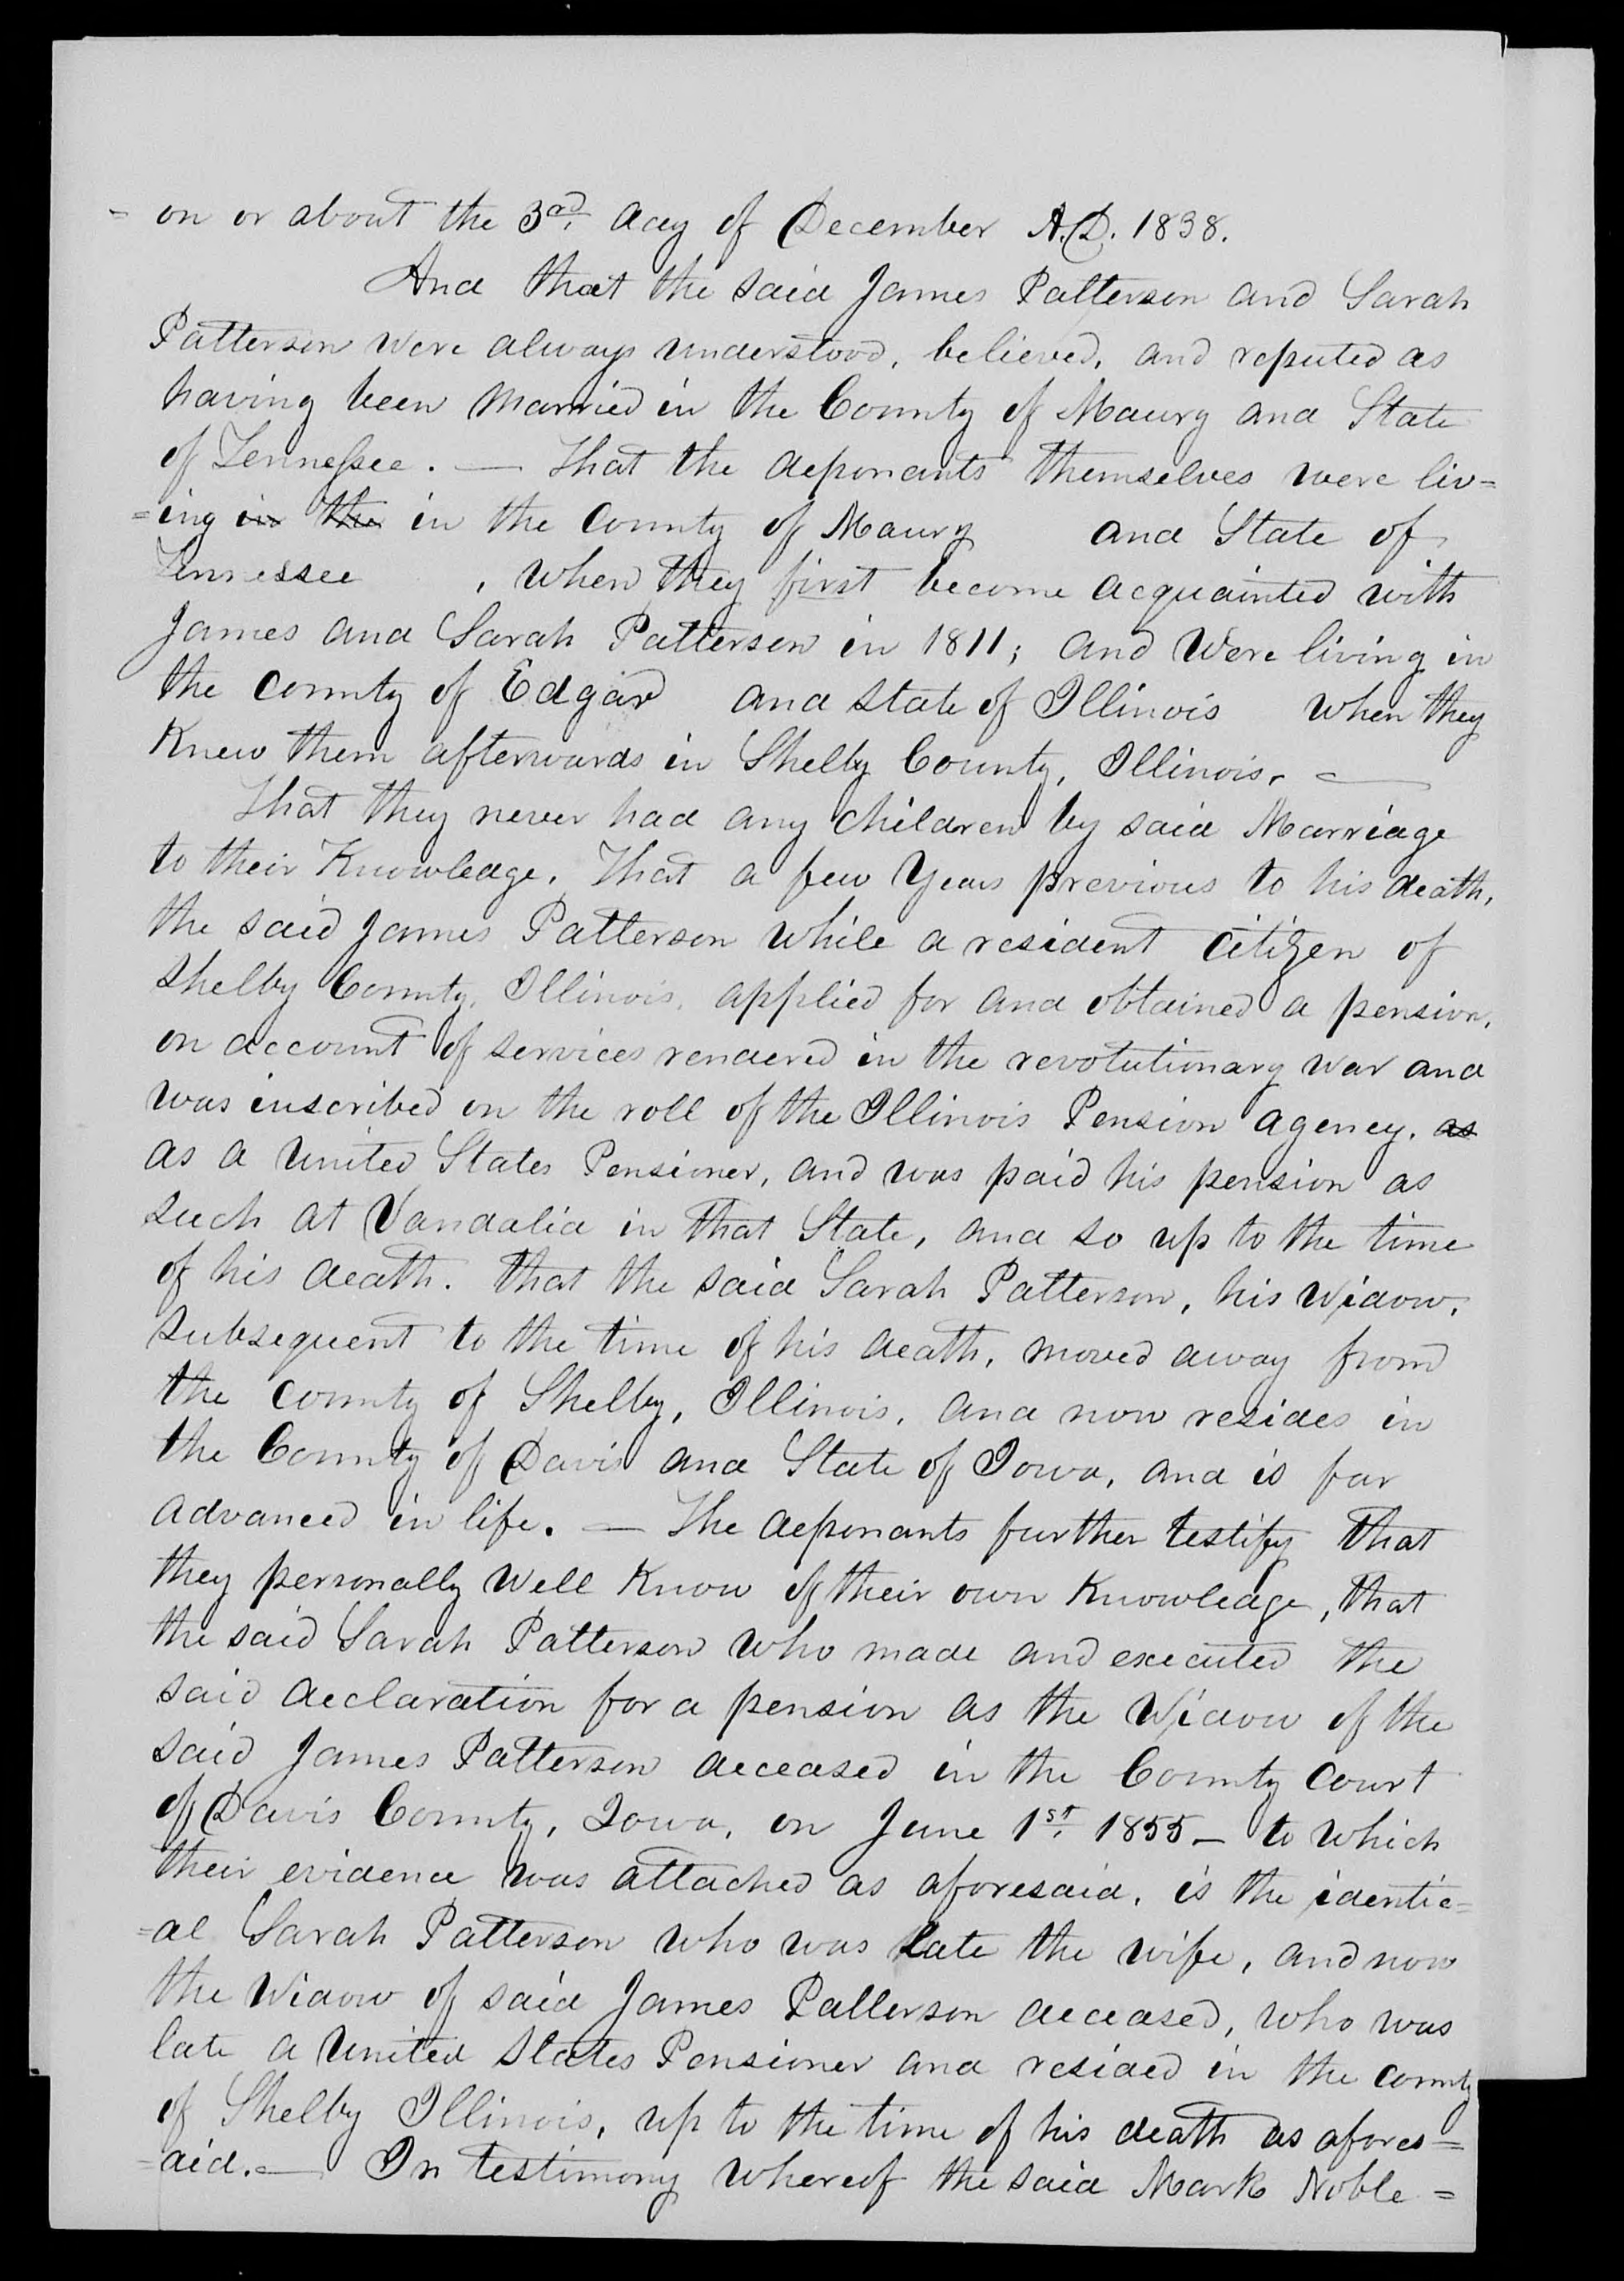on or about the 3rd day of December A.D. 1838 
And that the said James Patterson and Sarah Patterson were always understood, believed, and reputed as having been married in the County of Maury and State of Tennessee.- That the deponants themselves were living in the in the County of Maury and State of Tennessee when they first become acquainted with James and Sarah Patterson in 1811; and were living in the County of Edgar and State of Illinois when they knew them afterwards in Shelby County, Illinois. 
That they never had any children by said Marriage to their knowledge, that a few years previous to his death, the said James Patterson while a resident citizen of Shelby County, Illinois, applied for and obtained a pension on account of services rendered in the revolutionary war and was inscribed on the roll of the Illinois Pension Agency, at as a United States Pensioner, and was paid his pension as such at Vandalia in that State, and so up to the time of his death. that the said Sarah Patterson, his widow subsequent to the time of his death, moved away from the County of Shelby, Illinois, and now resides in the County of Davis and State of Iowa, and is far advanced in life. - The deponants further testify that they personally well know if their own knowledge, that the said Sarah Patterson who made and executed the said declaration for a pension as the widow of the said James Patterson deceased in the County Court of Davis County, Iowa, on June 1st 1855. to which their evidence was attached as aforesaid, is the identical Sarah Patterson who was late the wife, and now the widow of said James Patterson deceased, who was late a United States Pensioner and resided in the County of Shelby Illinois, up to the time of his death as aforesaid. In testimony whereof the said Mark Noble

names: Mark Noble; James Patterson; Sarah Patterson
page: 56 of 69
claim: widow's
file: W. 10861, for James Patterson, North Carolina